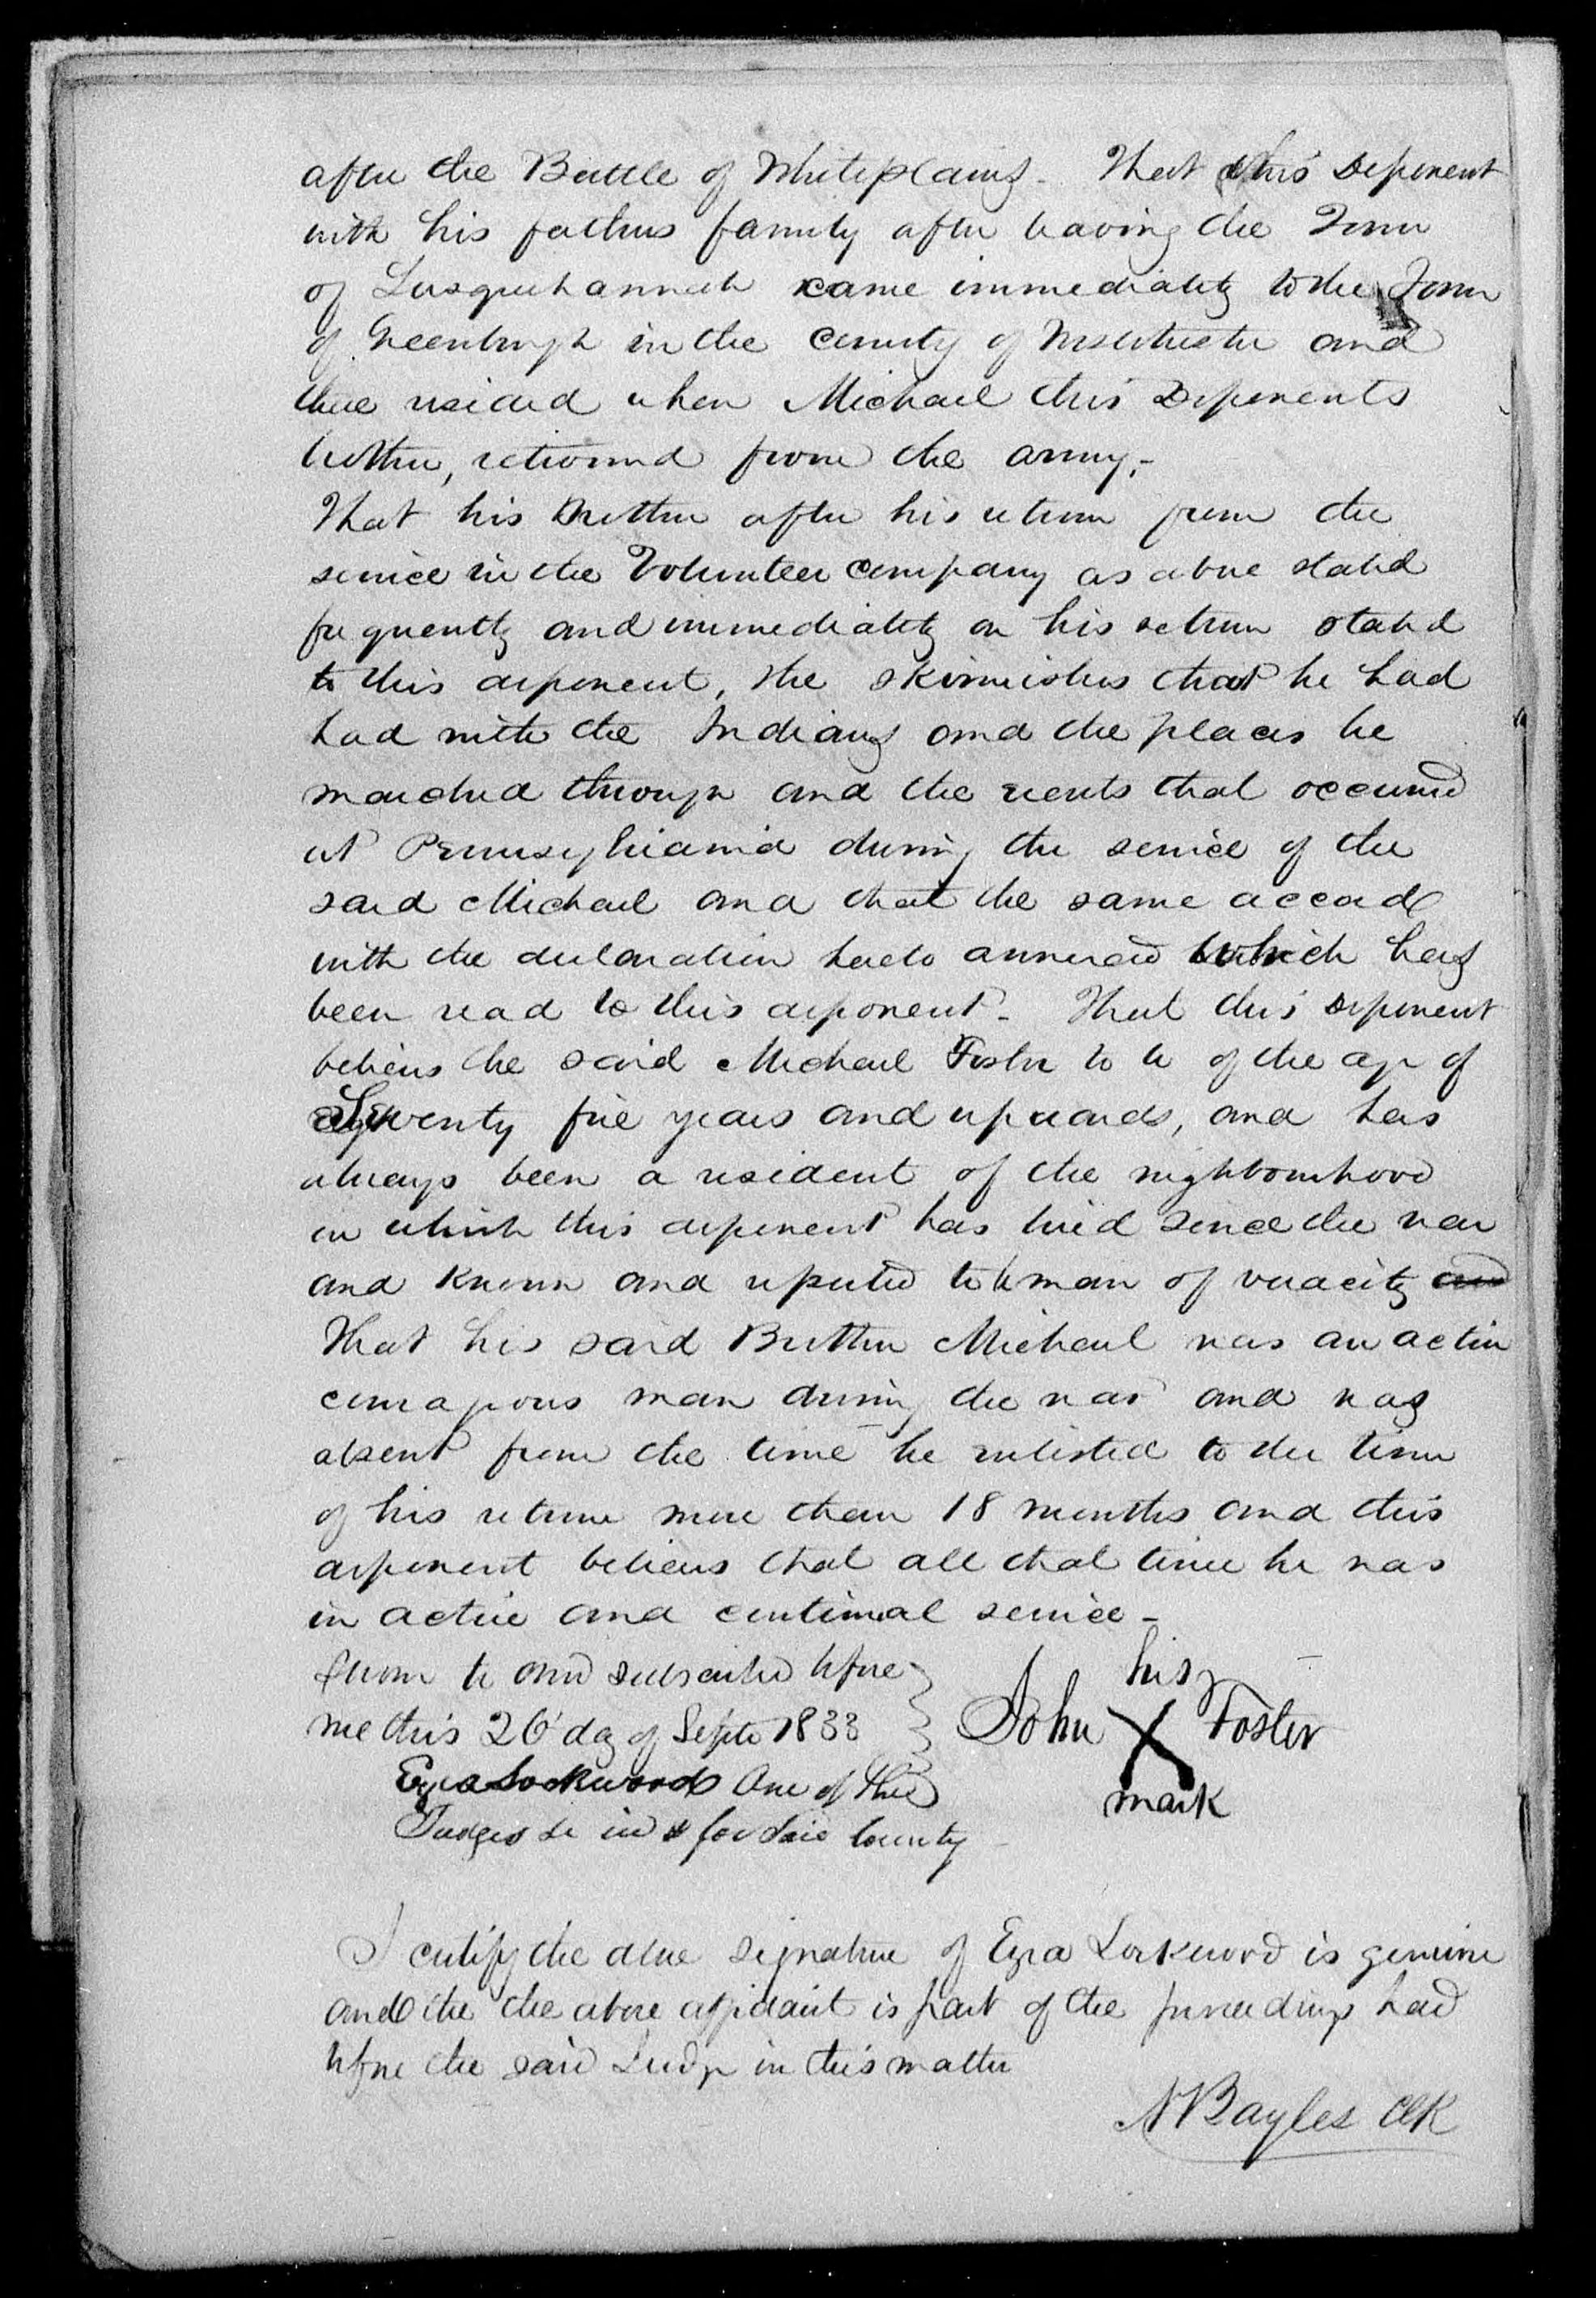after the Battle of White Plains. That this deponent with his father's family after leaving the Town of Susquehanna came immediately to the Town of Greenborough in the county of Westchester and there resided when Michael this deponents brother, returned from the army.
That this brother after his return from the service in the Volunteer Company as above stated frequently and immediately on his return stated to this deponent, the skirmishes that he had had with the Indians and the places he marched through and the events that occurred at Pennsylvania during the service of said Michael and that the same accede with the declaration hereto annexed which he believes the said Michael Foster to be of the age of seventy five years and upwards, and has always been a resident of the neighborhood in which this deponent has lived since the war and know and reputed to remain of varsity. That this said Brother Michael was an active (unreadable) man during the war and was absent from the time he enlisted to the time of his return more than 18 months and this deponent believes that all that time he was in active and continual service. 
John Foster
X his mark
Sworn to and subscribed before me this 26 day of Sept. 1833
Ezra Lockwood One of the Judges in and for Said County

I certify the above signature of Ezra Lockwood is genuine and the the above affidavit is part of the proceedings had before the said Judge in this matter
N Bayles clk.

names: John Foster, Michael, Michael Foster, Michael, Ezra Lockwood, Michael, Ezra Lockwood, N Bayles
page: 15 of 57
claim: widow's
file: W. 5275 1/2, Michael Foster, Penn.